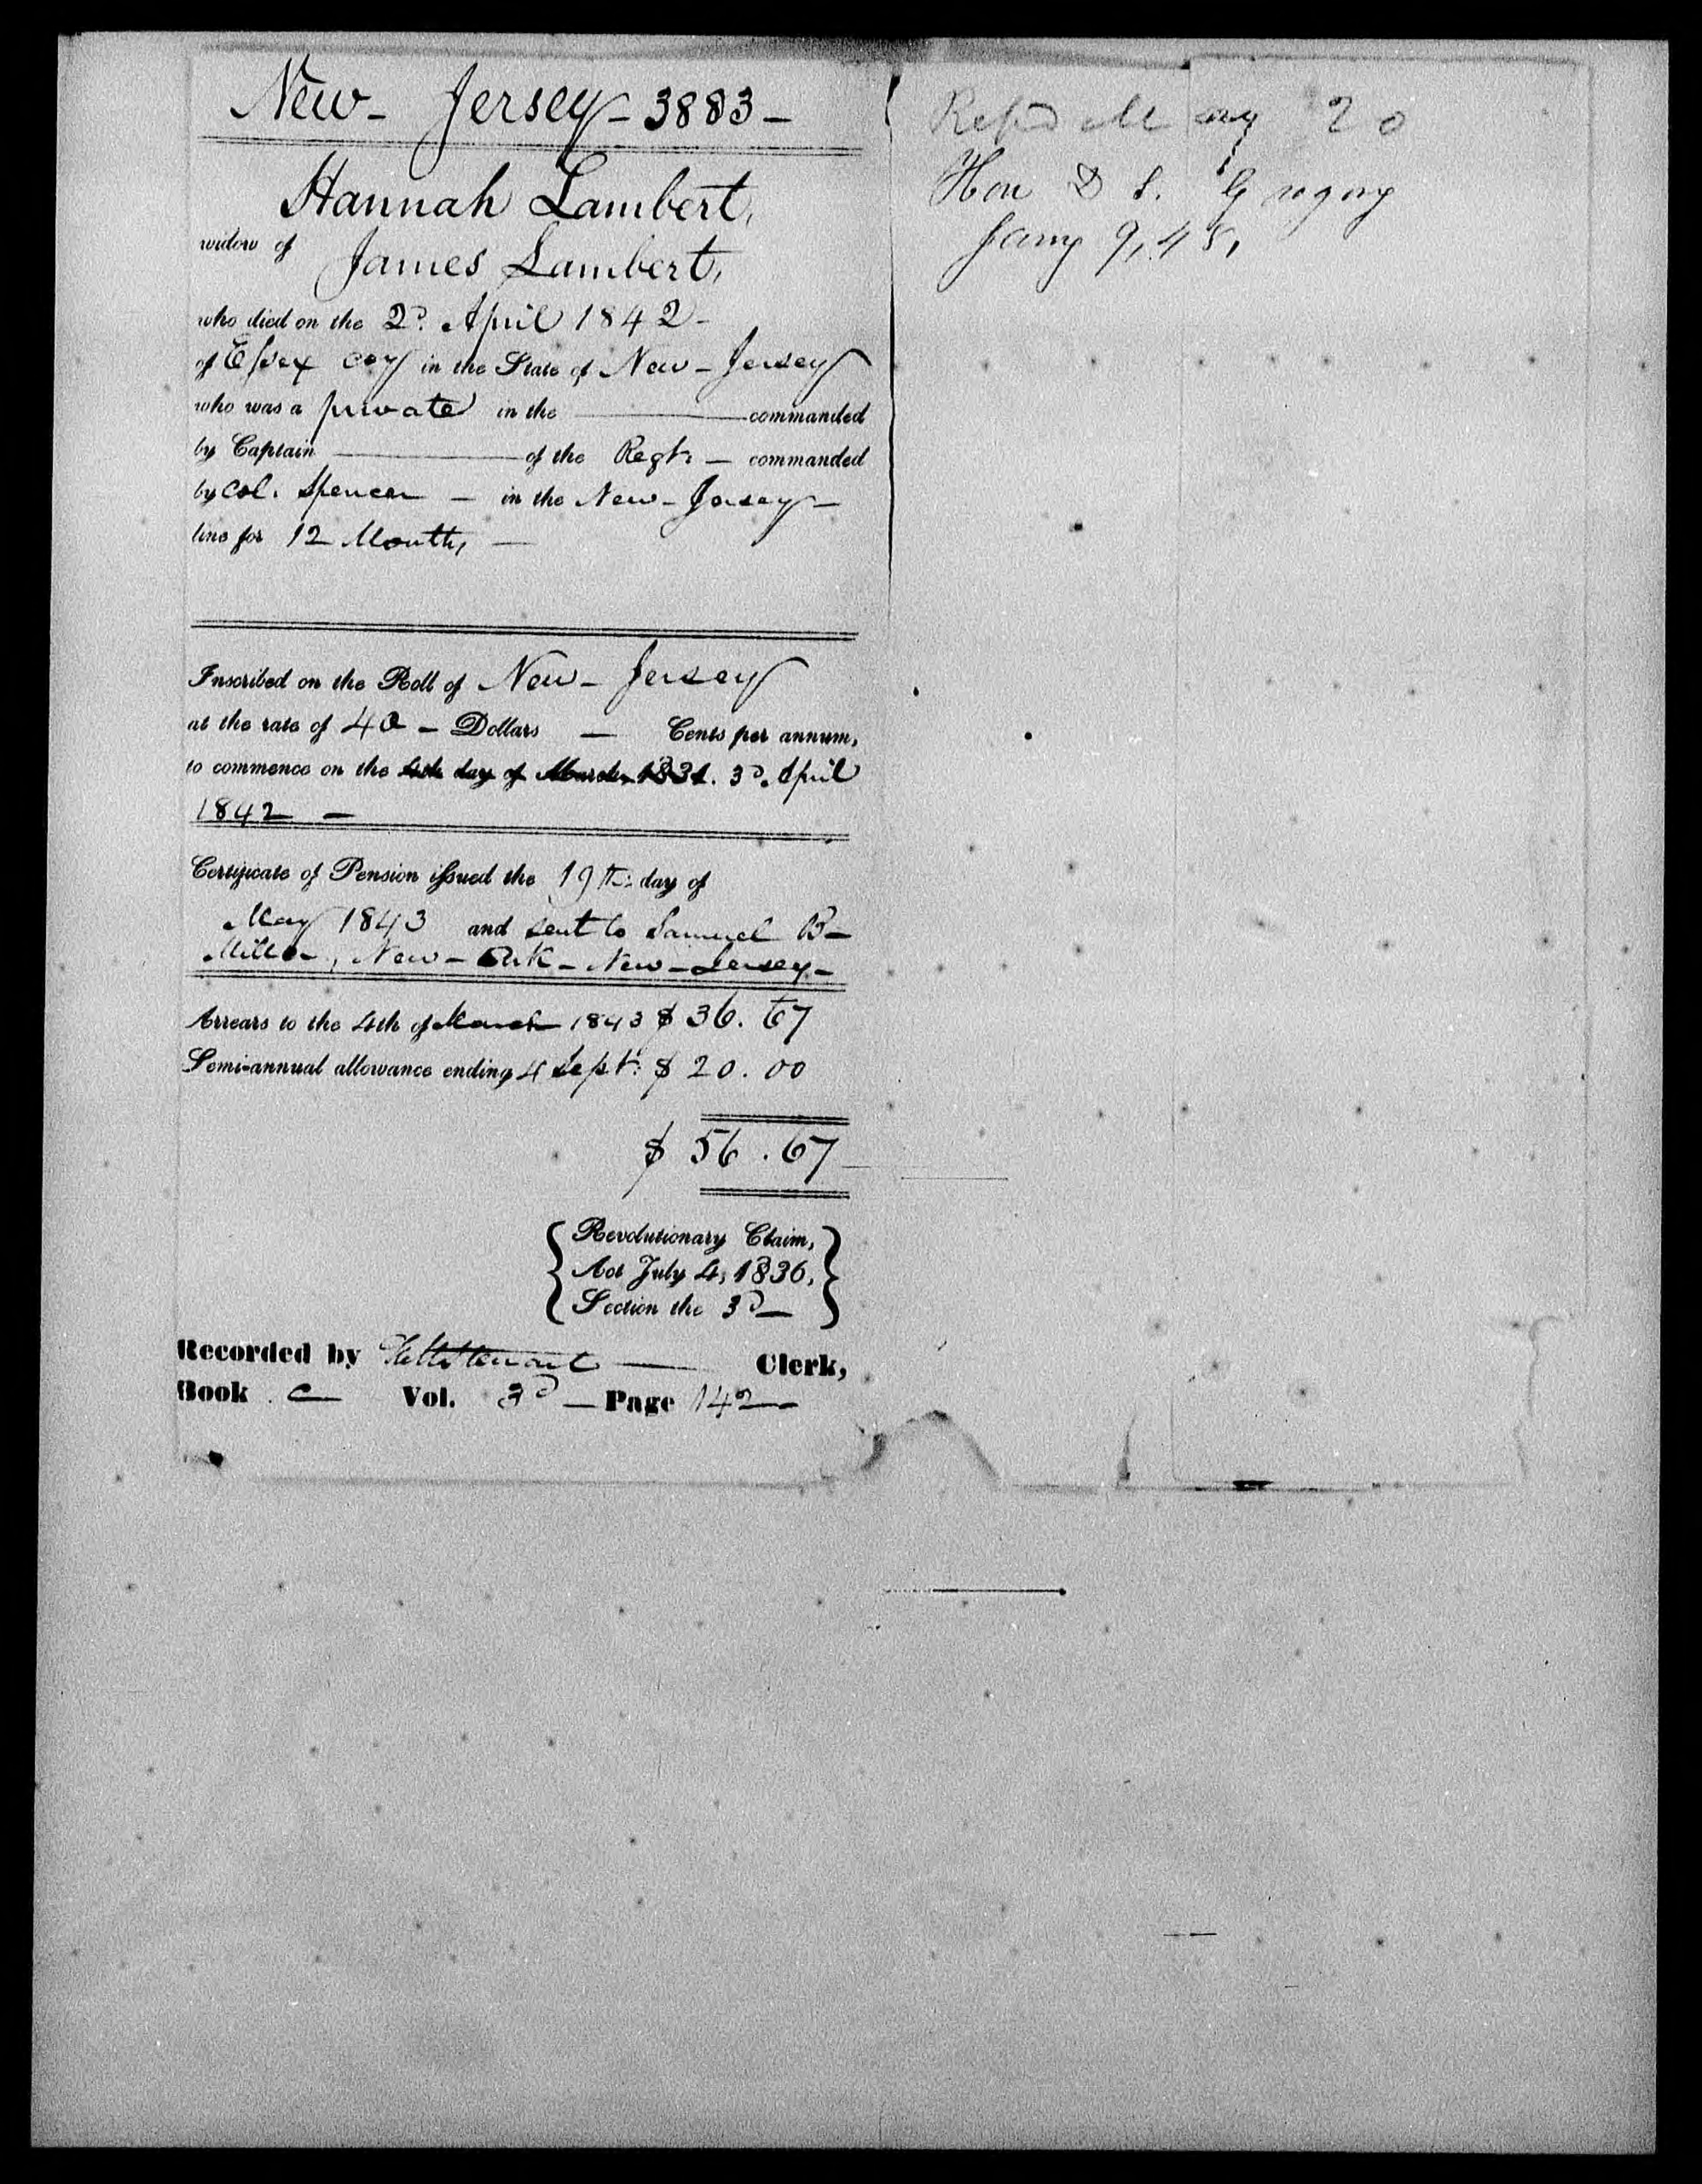New Jersey 3883-
Hannah Lambert widow of James Lambert,
who died on the 2d April 1842. of Essex Coy in the State of New Jersey who was a private in the _______  commanded _______ by Captain _____ of the Regt. commanded by Col. Spencer-- in the New Jersey line for 12 months-
Inscribed on the Roll of New Jersey
at the rate of 40. Dollars - Cents per annum
to commence on the 4th day of Mar 34. 3 April
1842
Certificate of Pension issued the 19th day of
May 1843 and sent to Samuel B Miller, Newark New Jersey
Arrears to the 4th of March 1843 $36.67
Semi-annual allowance ending 4 Sept. $20.00
$56.67
{Revolutionary Claim, Act July 4, 1836,
Section the 3d}
Recorded by H M Stewart Clerk,
Book C Vol. 3 Page 142
Refd May 20
Hon D S. Gregory
Jany 9, 48,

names: Samuel B Miller; James Lambert; H M Stewart; [BLANK] Spencer; Hannah Lambert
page: 24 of 49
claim: widow's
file: W. 859, for James Lambert, New Jersey